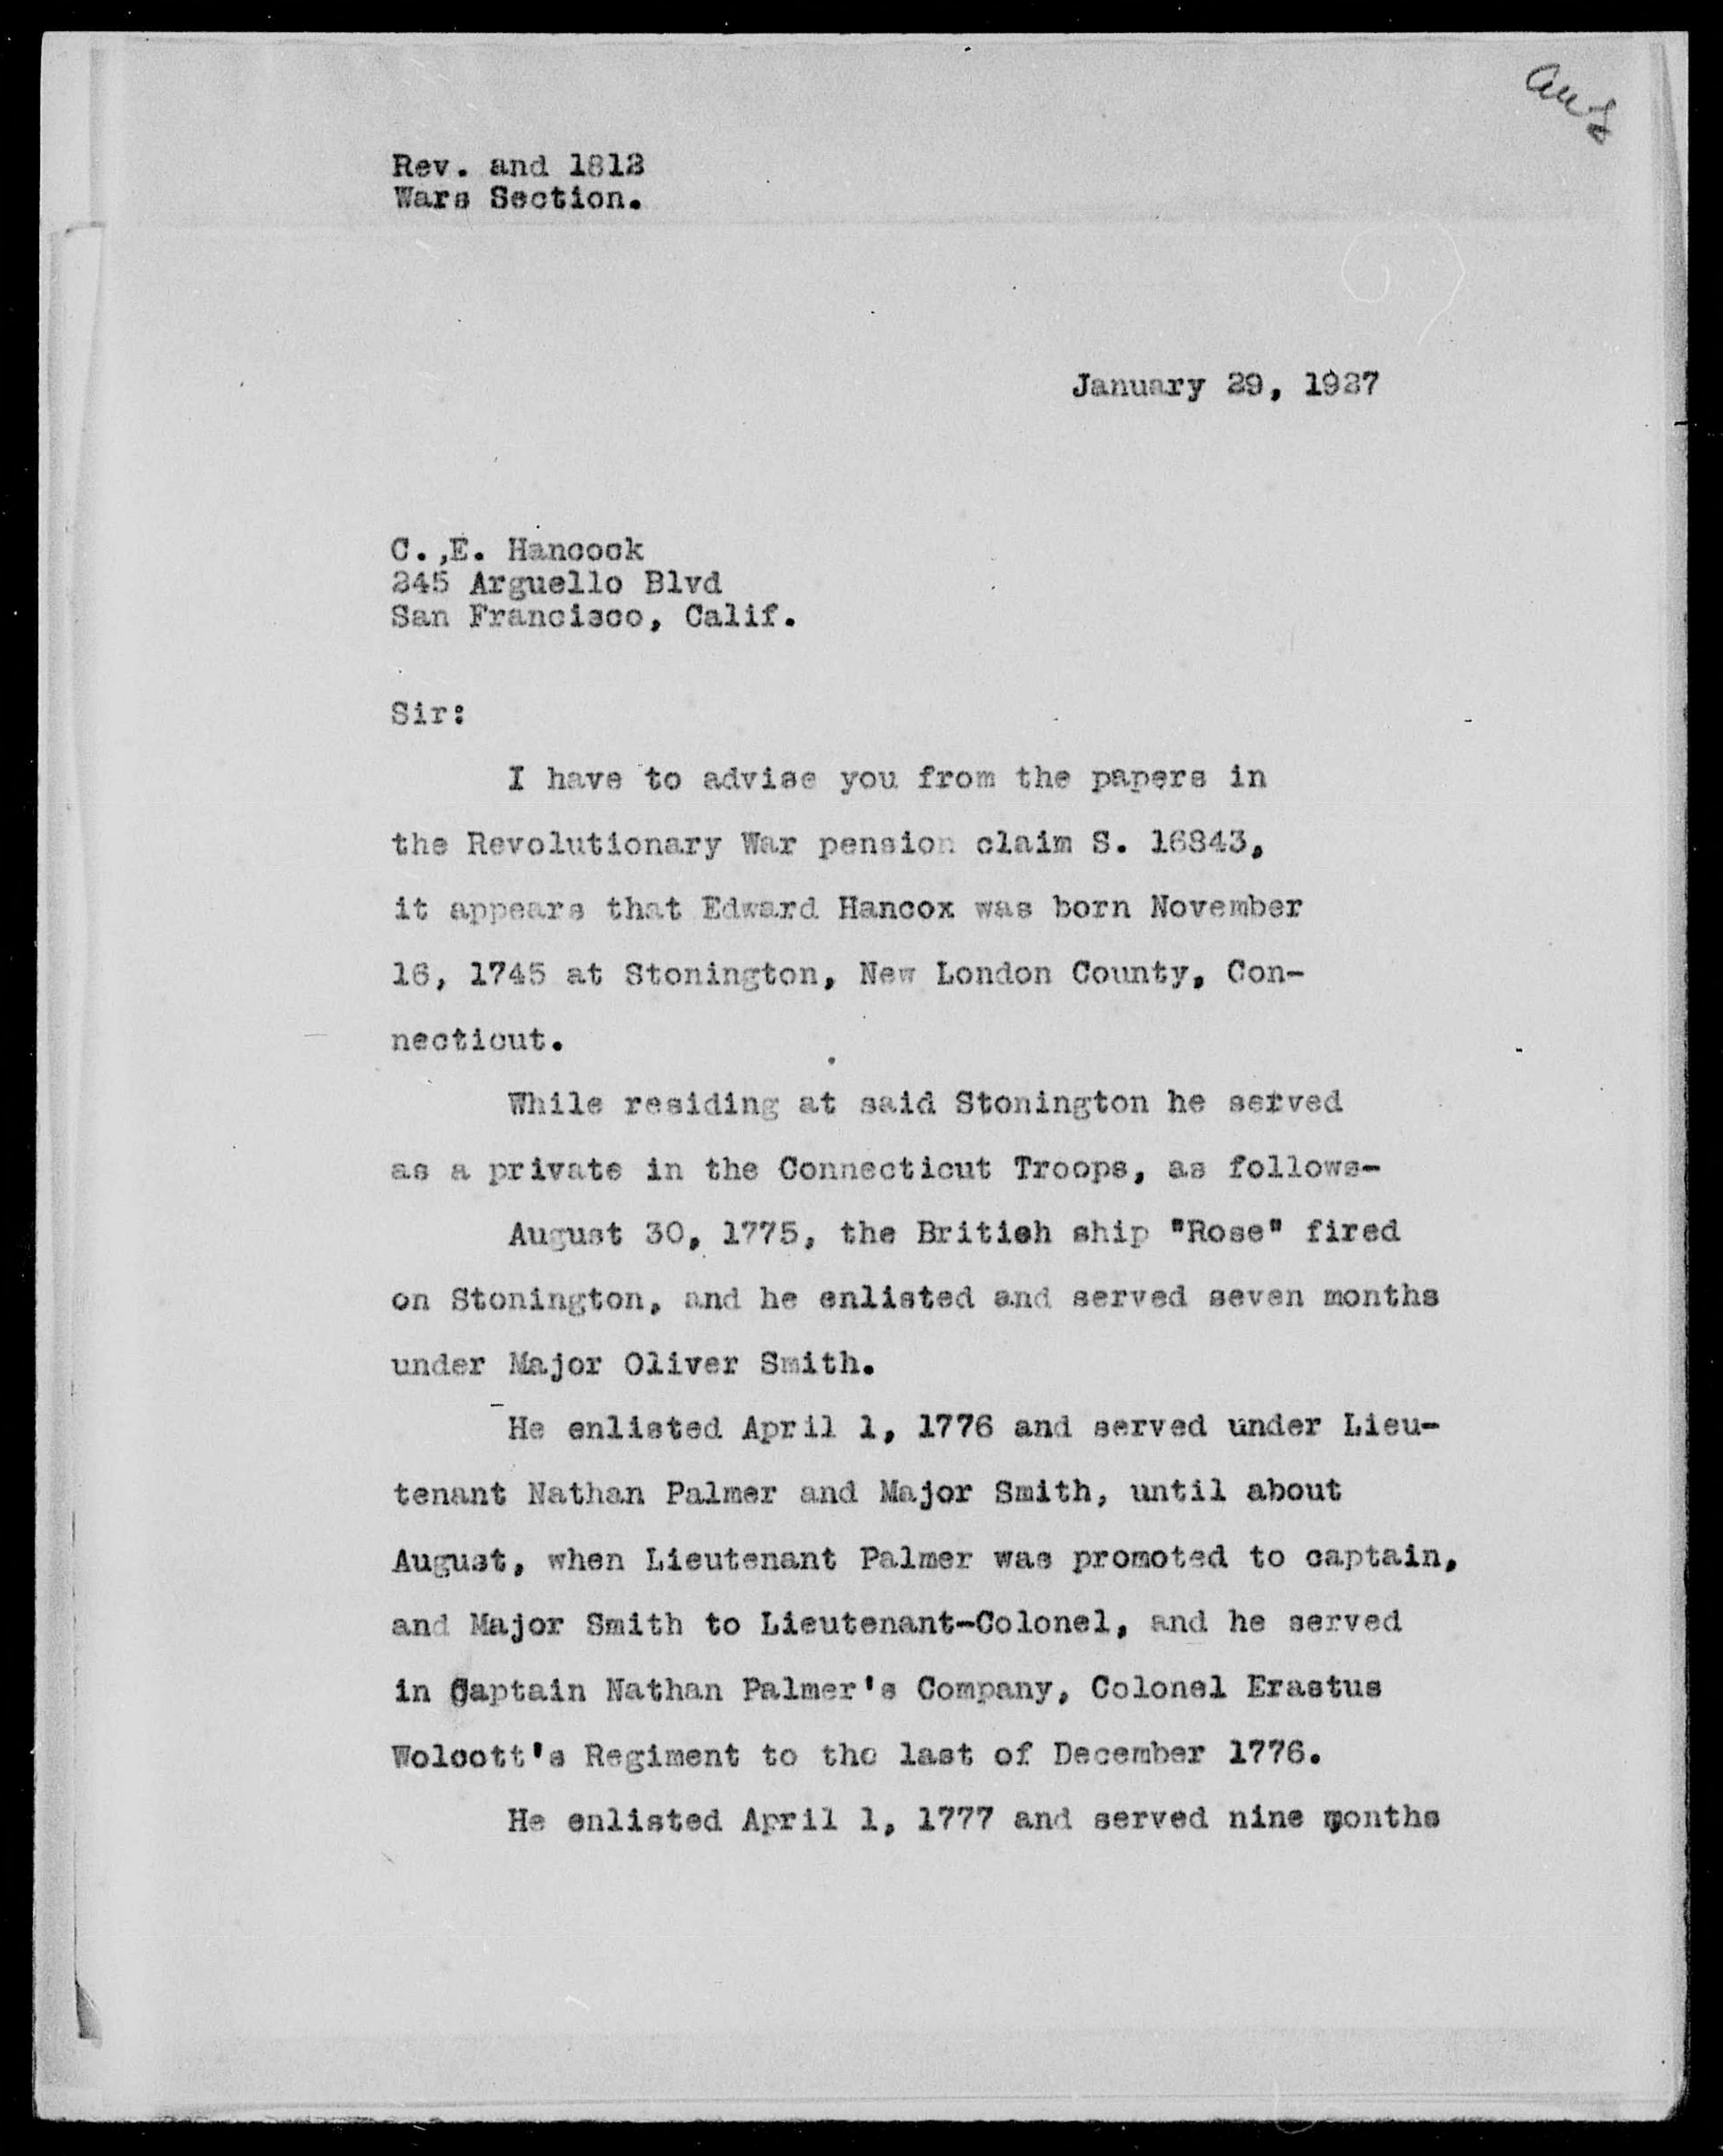Rev. and 1812
Wars Section.

January 29, 1927

C. E. Hancock
245 Arguello Blvd
San Francisco, Calif.

Sir:
I have to advise you from the papers in
the Revolutionary War pension claim S. 16843,
it appears that Edward Hancox was born November 16, 1745 at Stonington, New London County, Connecticut
.
While residing at said Stonington he served
as a private in the Connecticut Troops, as follows
August 30, 1775, the British ship " Rose" fired
on Stonington, and he enlisted and served seven months under Major Oliver Smith.
He enlisted April 1, 1776 and served under Lieutenant Nathan Palmer and Major Smith, until about August, when Lieutenant Palmer was promoted to captain, and Major Smith to Lieutenant-Colonel, and he served
in Captain Nathan Palmer's Company, Colonel Erastus Wolcott's Regiment to the last of December 1776.
He enlisted April 1, 1777 and served nine months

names: Smith, Smith, C E Hancock, Oliver Smith, Nathan Palmer, Palmer, Edward Hancox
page: 11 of 26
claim: survivor's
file: S. 16843, Edward Hancox, Conn.